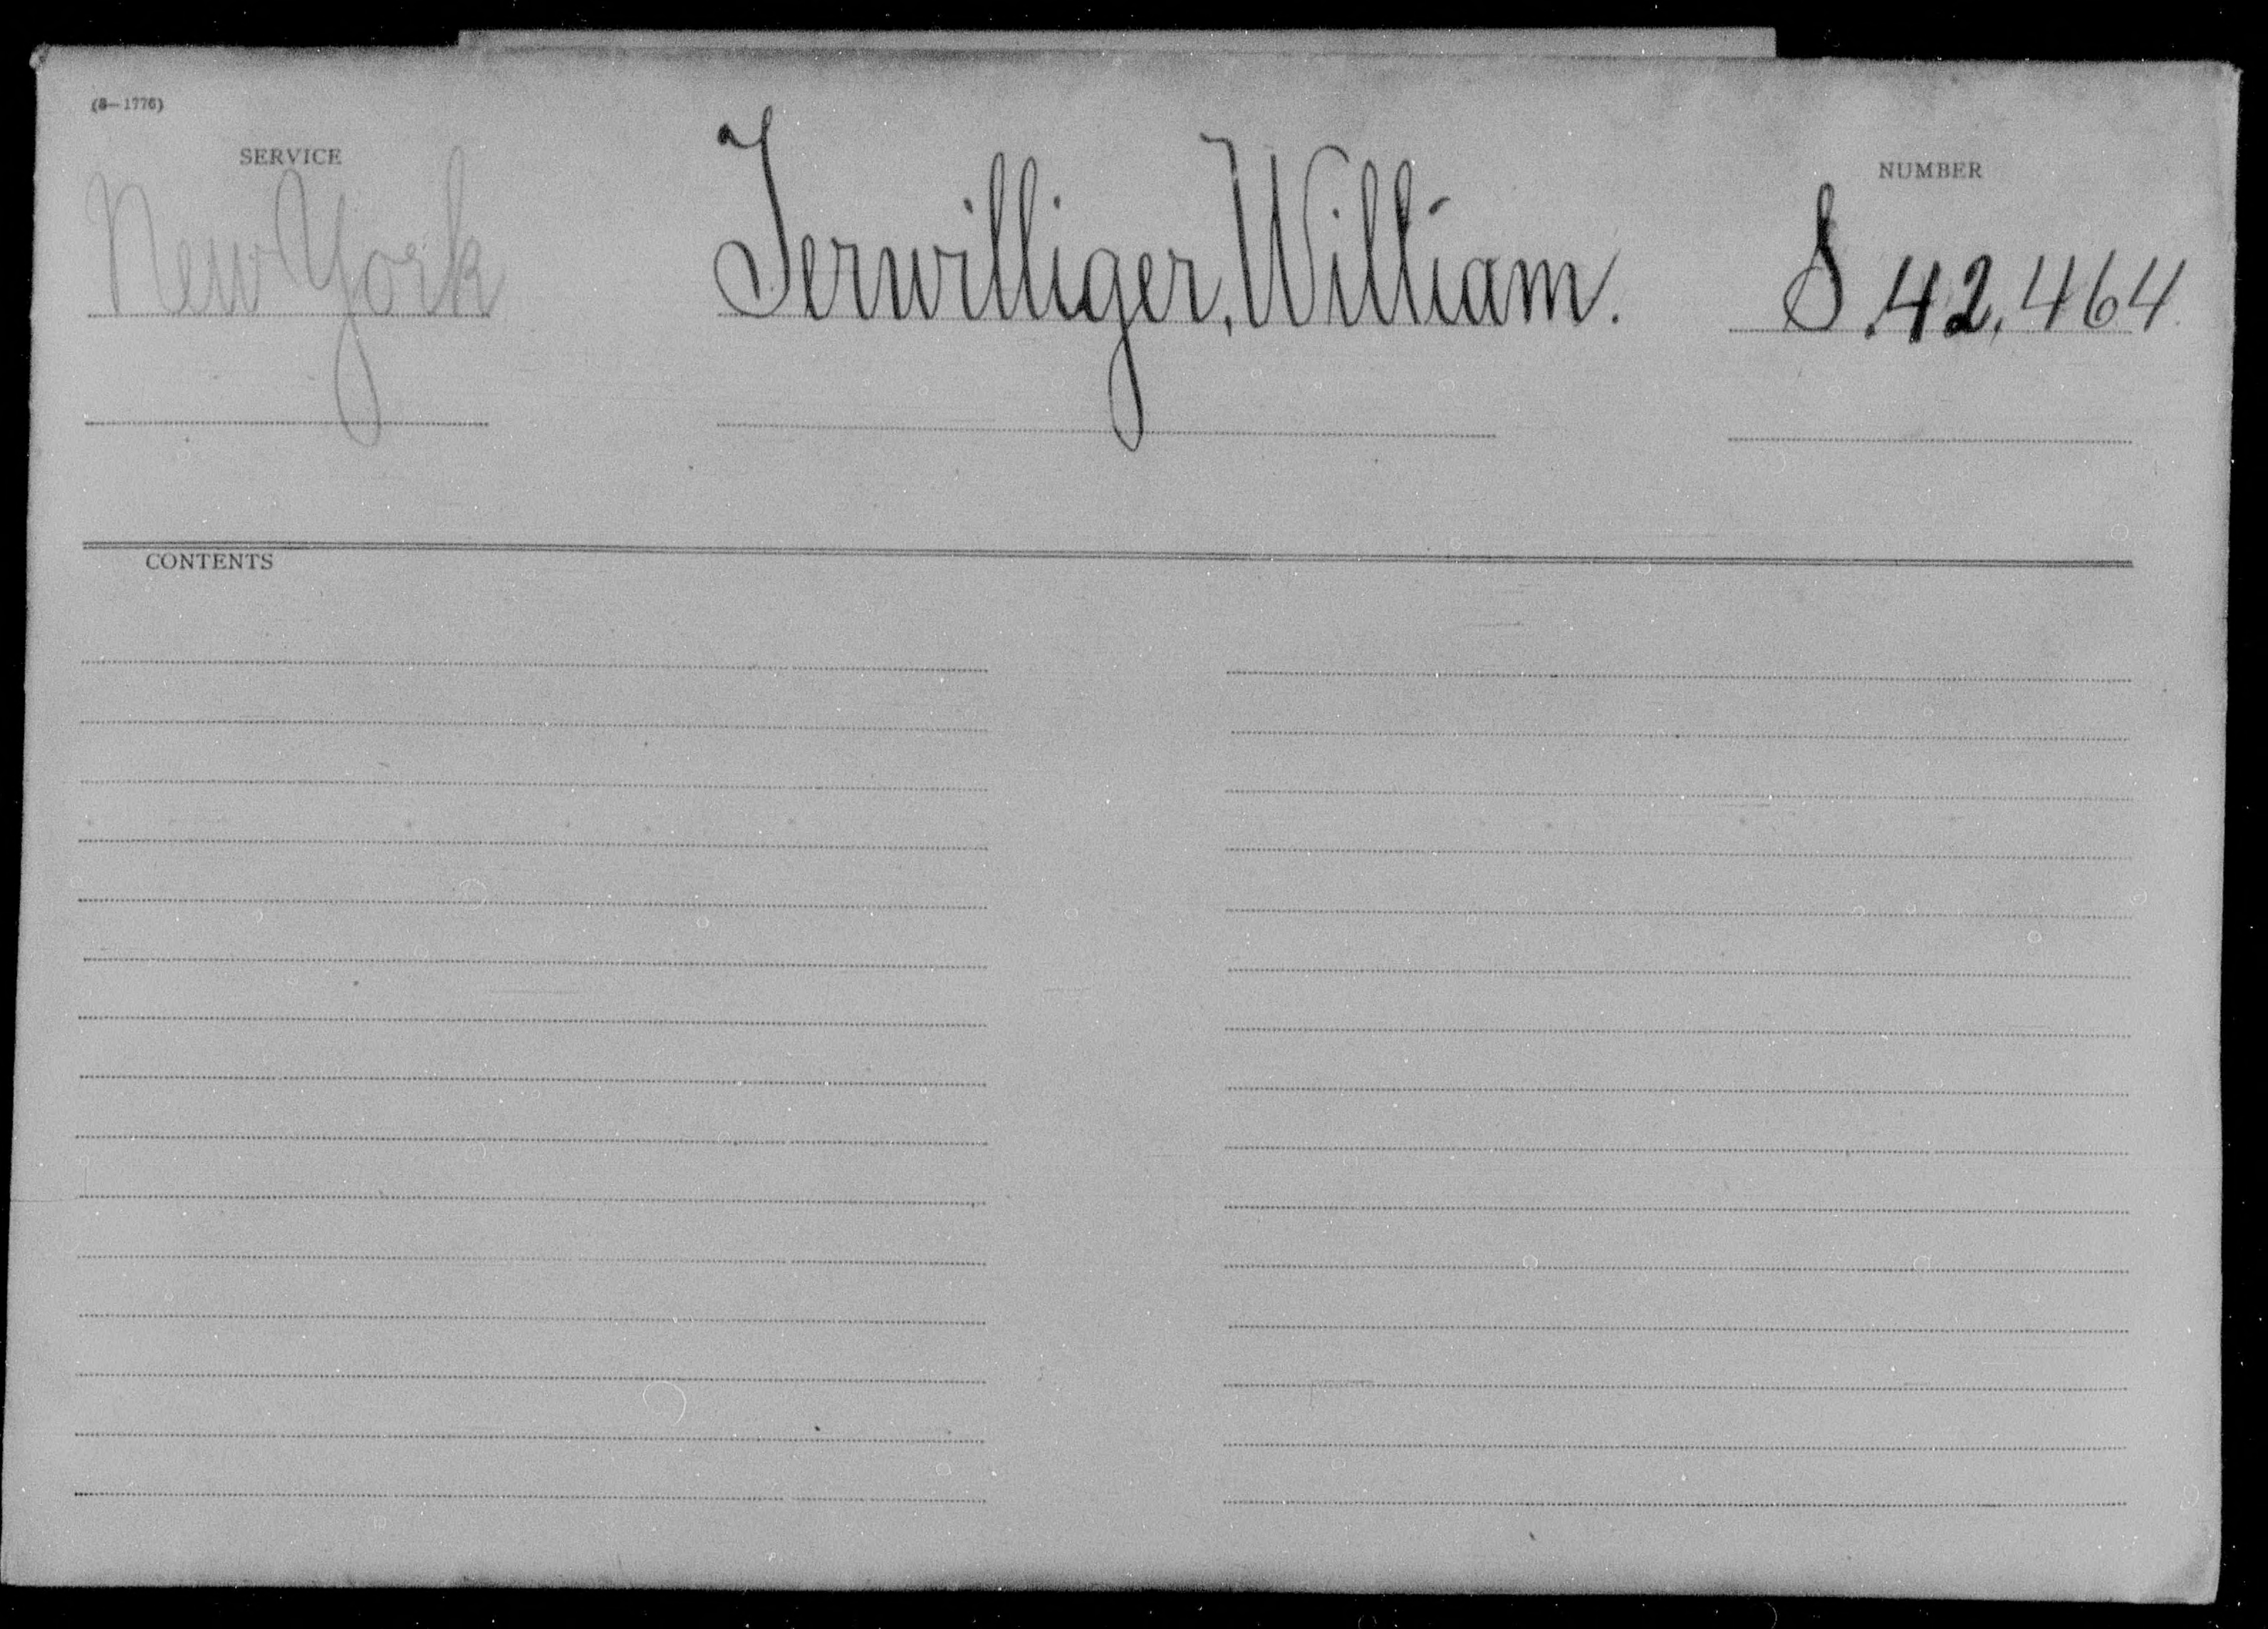(3 - 1776)
SERVICE

CONTENTS
 
Terwilliger, William
NUMBER
S42464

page: 1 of 64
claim: survivor's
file: S. 42,464, for William Terwilliger, New York